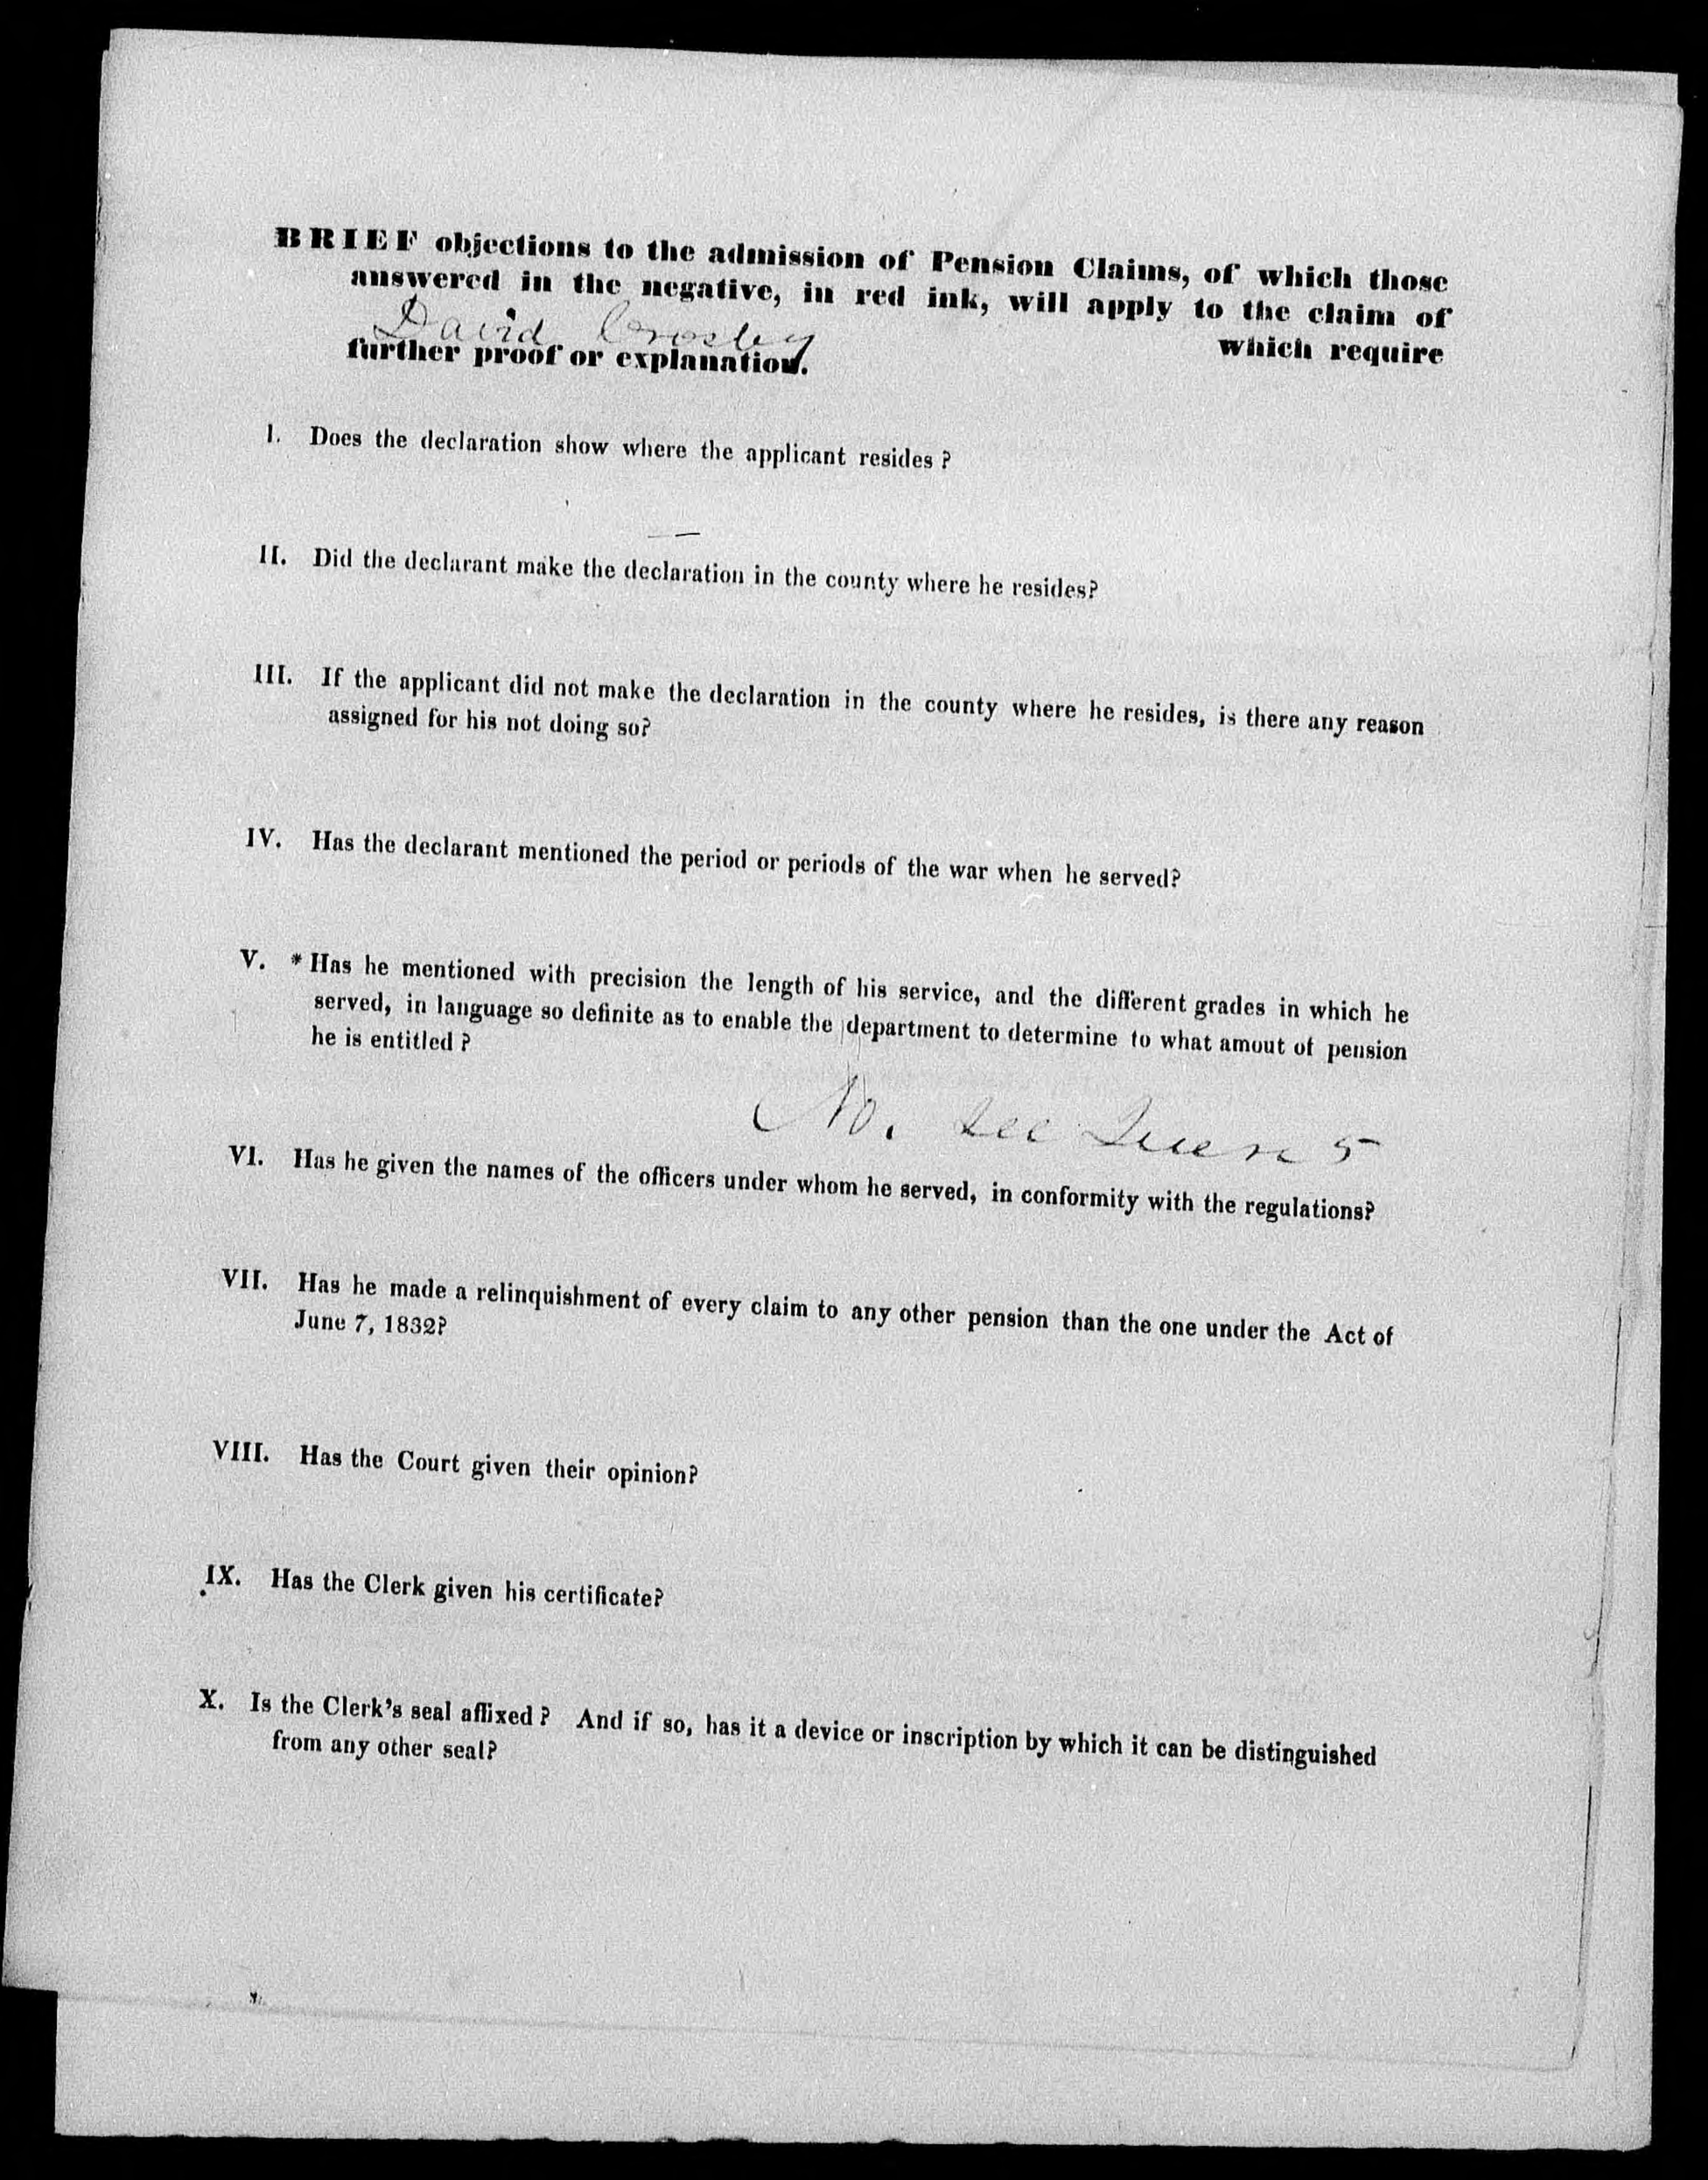BRIEF objections to the admission of Pension Claims, of which those answered in the negative, in red ink, will apply to the claim of David Crosby which require further proof or explanations.

1. Does the declaration show where the applicant resides?
II. Did the declarant make the declaration in the county where he resides?
III. If the applicant did not make the declaration in the county where he resides, is there any reason assigned for his not doing so?
IV. Has the declarant mentioned the period of periods of the war when he served? 
V. Has he mentioned with precision the length of his service, and the different grades in which he served, in language so definite as to enable the department to determine to what amount of pension he is entitled? 
No, see Queve 5
VI. Has he given the names of the officers under whom he served, in conformity with the regulations? 
VII. Has he made a relinquishment of every claim to any other pension than the one under the Act of June 7, 1832? 
VIII. Has the Court given their opinion?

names: David Crosby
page: 15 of 19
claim: survivor's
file: S. 12626, David Crosby, Penn.